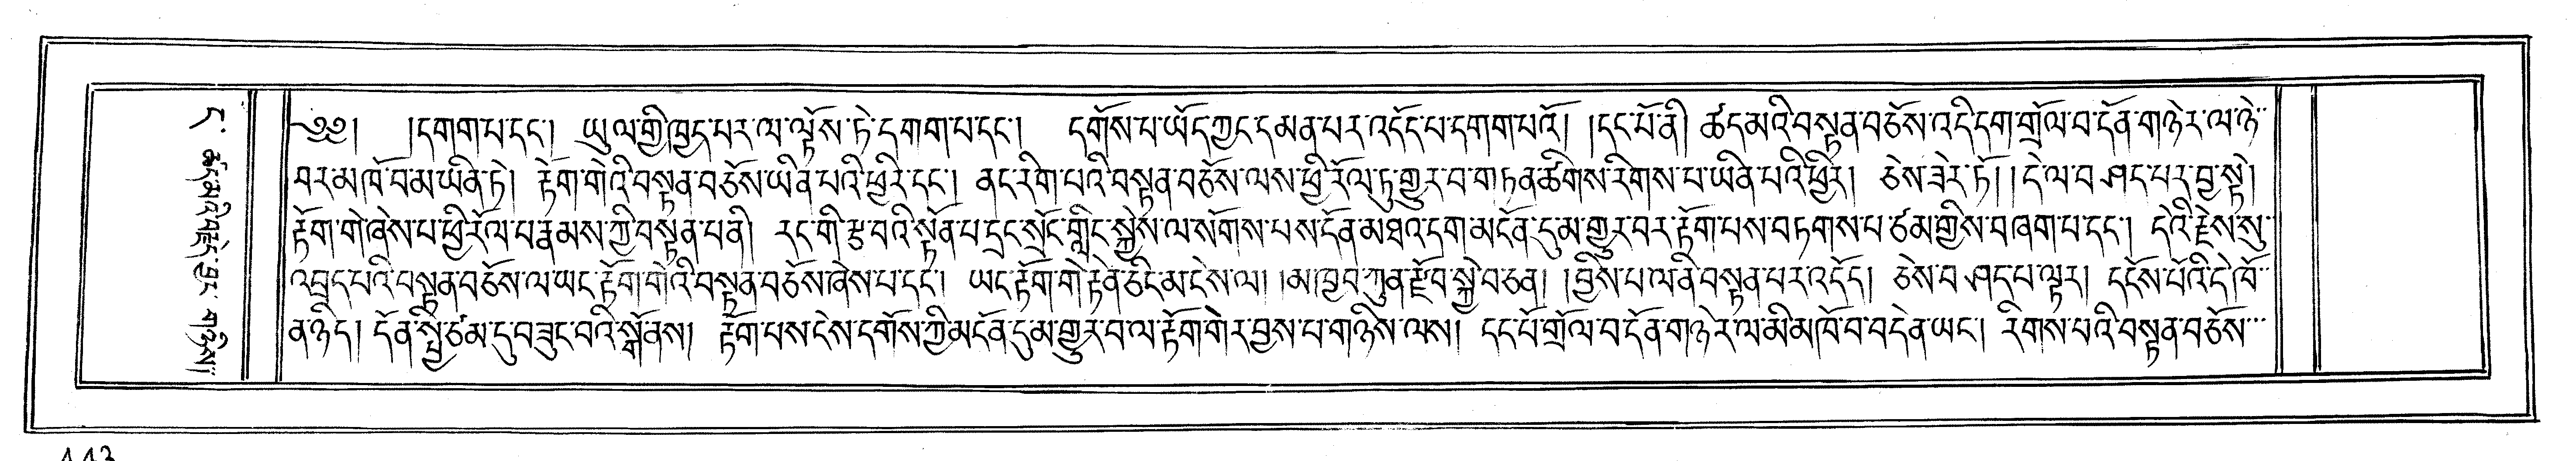༄༅། །དགག་པ་དང་། ཡུལ་གྱི་ཁྱད་པར་ལ་ལྟོས་ཏེ་དགག་པ་དང་། དགོས་པ་ཡོད་ཀྱང་དམན་པར་འདོད་པ་དགག་པའོ། །དང་པོ་ནི། ཚད་མའི་བསྟན་བཅོས་འདི་དག་གྲོལ་བ་དོན་གཉེར་ལ་ཉེ་
བར་མཁོ་བ་མ་ཡིན་ཏེ། རྟོག་གེའི་བསྟན་བཅོས་ཡིན་པའི་ཕྱིར་དང་། ནང་རིག་པའི་བསྟན་བཅོས་ལས་ཕྱི་རོལ་ཏུ་གྱུར་པ་གཏན་ཚིགས་རིགས་པ་ཡིན་པའི་ཕྱིར། ཅེས་ཟེར་ཏོ། །དེ་ལ་བཤད་པར་བྱ་སྟེ།
རྟོག་གེ་ཞེས་པ་ཕྱི་རོལ་པ་རྣམས་ཀྱི་བསྟན་པ་ནི། རང་གི་རྩ་བའི་སྟོན་པ་དྲང་སྲོང་གླིང་སྐྱེས་ལ་སོགས་པས་དོན་མཐའ་དག་མངོན་དུ་མ་གྱུར་བར་རྟོག་པས་བཏགས་པ་ཙམ་གྱིས་བཞག་པ་དང་། དེའི་རྗེས་སུ་
འབྲང་བའི་བསྟན་བཅོས་ལ་ཡང་རྟོག་གེའི་བསྟན་བཅོས་ཞེས་པ་དང་། ཡང་རྟོག་གེ་རྟེན་ཅིང་མ་ངེས་ལ། །མ་ཁྱབ་ཀུན་རྫོབ་སྐྱེ་བ་ཅན། །བྱིས་པ་ལ་ནི་བསྟན་པར་འདོད། ཅེས་བཤད་པ་ལྟར། དངོས་པོའི་དེ་ཁོ་
ན་ཉིད། དེ་ནི་སྤྱི་ཙམ་དུ་བཟུང་བའི་སྒོ་ནས། རྟོག་པས་ངེས་དགོས་ཀྱི་མངོན་དུ་མ་གྱུར་པ་ལ་རྟོག་གེར་བྱས་པ་གཉིས་ལས། དང་པོ་གྲོལ་བ་དོན་གཉེར་ལ་མི་མཁོ་བ་བདེན་ཡང་། རིགས་པའི་བསྟན་བཅོས་